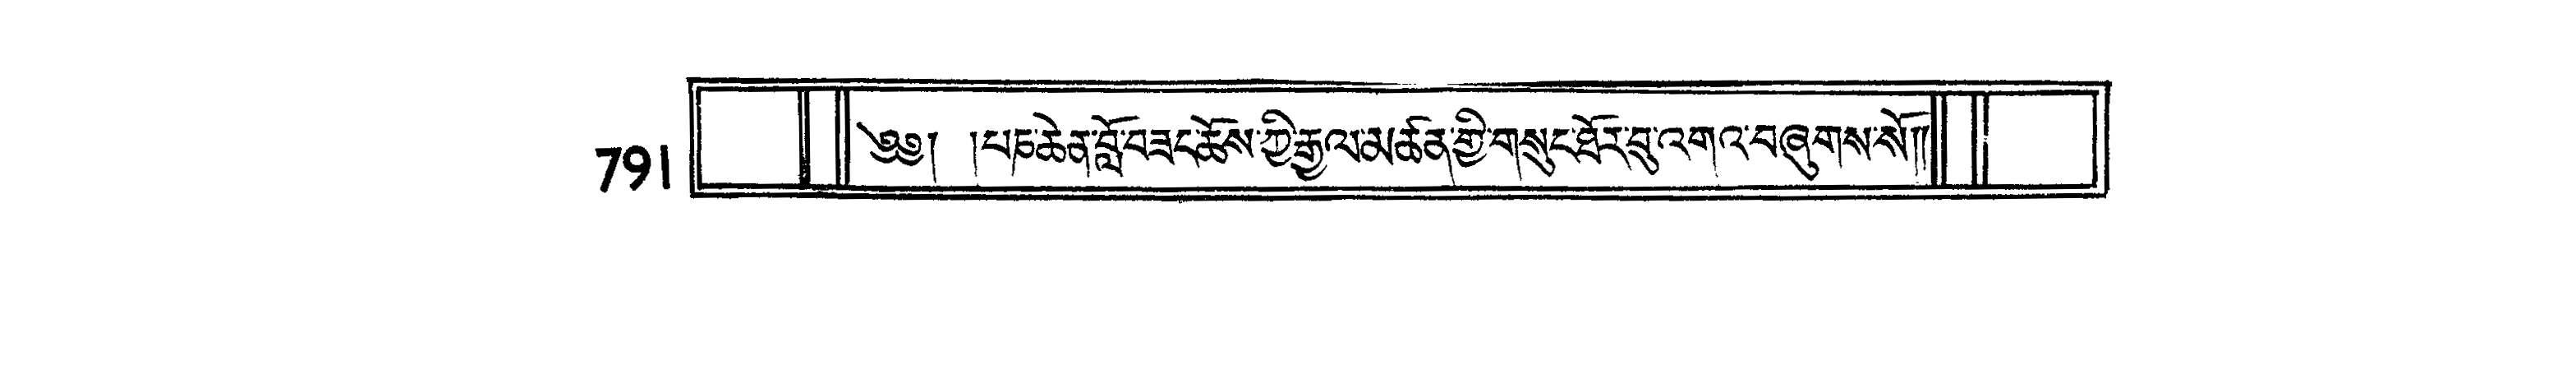༄༅། །པཎ་ཆེན་བློ་བཟང་ཆོས་ཀྱི་རྒྱལ་མཚན་གྱི་གསུང་ཐོར་བུ་འགའ་བཞུགས་སོ། །